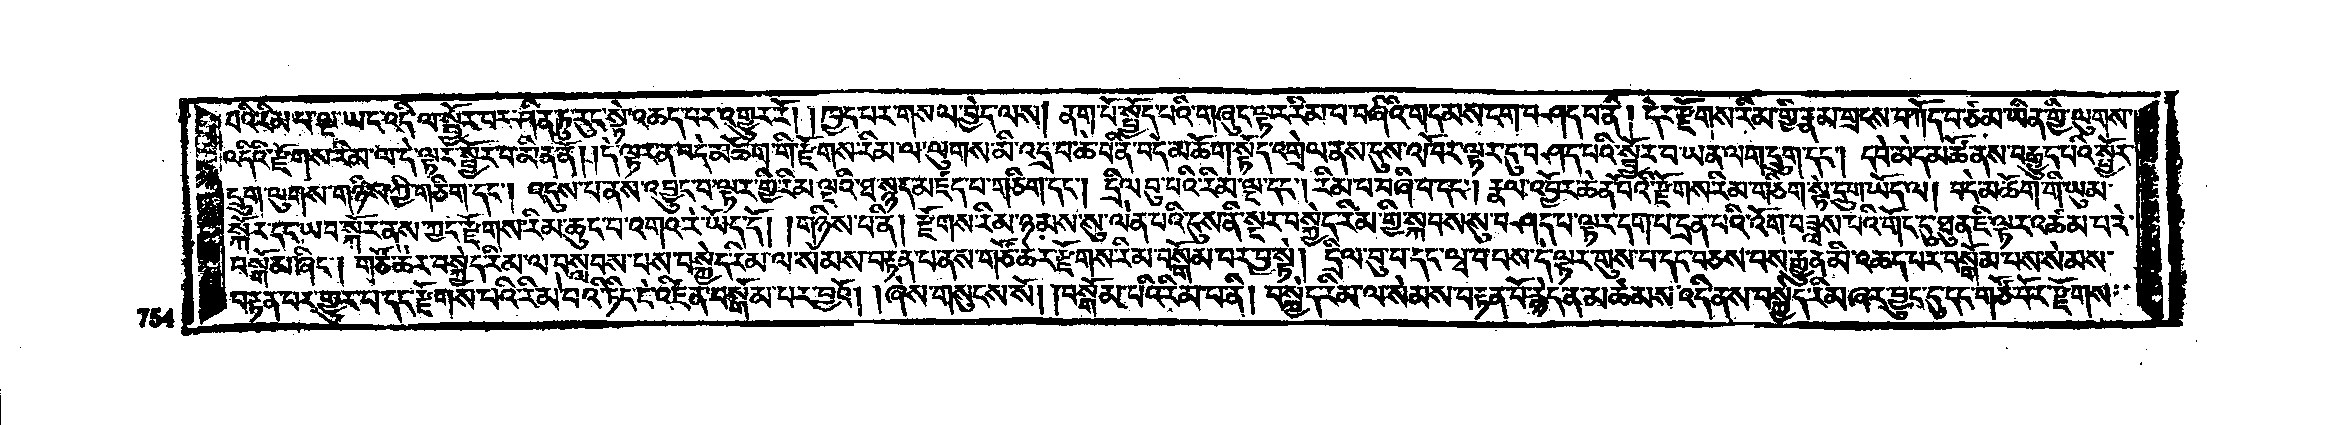པའི་རིམ་པ་ལྔ་ཡང་འདི་ལ་སྦྱོར་བར་ཤིན་ཏུ་རུང་སྟེ་འཆད་པར་འགྱུར་རོ། །ཁྱད་པར་གསལ་བྱེད་ལས། ནག་པོ་སྤྱོད་པའི་གཞུང་ལྟར་རིམ་པ་བཞིའི་གདམས་ངག་བཤད་པ་ནི། དེར་རྫོགས་རིམ་གྱི་རྣམ་གྲངས་བཀོད་པ་ཙམ་ཡིན་གྱི་ལུགས་
འདིའི་རྫོགས་རིམ་ལ་དེ་ལྟར་སྦྱོར་བ་མིན་ནོ། །དེ་ལྟར་ན་བདེ་མཆོག་གི་རྫོགས་རིམ་ལ་ལུགས་མི་འདྲ་བ་ཆེ་བ་ནི་བདེ་མཆོག་སྟོད་འགྲེལ་ནས་དུས་འཁོར་ལྟར་དུ་བཤད་པའི་སྦྱོར་བ་ཡན་ལག་དྲུག་དང་། དཔེ་མེད་མཚོ་ནས་བརྒྱུད་པའི་སྦྱོར་
དྲུག་ལུགས་གཉིས་ཀྱི་གཅིག་དང་། འདུས་པ་ནས་འབྱུང་བ་ལྟར་གྱི་རིམ་ལྔའི་ཐ་སྙད་མཛད་པ་གཅིག་དང་། དྲིལ་བུ་པའི་རིམ་ལྔ་དང་། རིམ་པ་བཞི་པ་དང་། རྣལ་འབྱོར་ཆེན་པོའི་རྫོགས་རིམ་གཅིག་སྟེ་དྲུག་ཡོད་ལ། བདེ་མཆོག་གི་ཡུམ་
སྐོར་དང་ཡབ་སྐོར་ནས་ཀྱང་རྫོགས་རིམ་ཆུང་བ་འགའ་རེ་ཡོད་དོ། །གཉིས་པ་ནི། རྫོགས་རིམ་ཉམས་སུ་ལེན་པའི་དུས་ནི་སྔར་བསྐྱེད་རིམ་གྱི་སྐབས་སུ་བཤད་པ་ལྟར་དག་པ་དྲན་པའི་འོག་བཟླས་པའི་གོང་དུ་ཐུན་ཇི་ལྟར་འཚམ་པ་རེ་
བསྒོམ་ཞིང་། གཙོ་ཆེར་བསྐྱེད་རིམ་ལ་བསླབས་པས་བསྐྱེད་རིམ་ལ་སེམས་བརྟན་པ་ནས་གཙོ་ཆེར་རྫོགས་རིམ་བསྒོམ་པར་བྱ་སྟེ། དྲིལ་བུ་པ་དང་ལྭ་བ་པས་དེ་ལྟར་གུས་པ་དང་བཅས་པས་རྒྱུན་མི་འཆད་པར་བསྒོམ་པས་སེམས་
བརྟན་པར་གྱུར་པ་དང་རྫོགས་པའི་རིམ་པའི་ཏིང་ངེ་འཛིན་བསྒོམ་པར་བྱའོ། །ཞེས་གསུངས་སོ། །བསྒོམ་པའི་རིམ་པ་ནི། བསྐྱེད་རིམ་ལ་སེམས་བརྟན་པོ་རྙེད་ན་མཚམས་འདི་ནས་བསྐྱེད་རིམ་ཞར་བྱུང་དུ་དང་གཙོ་བོར་རྫོགས་